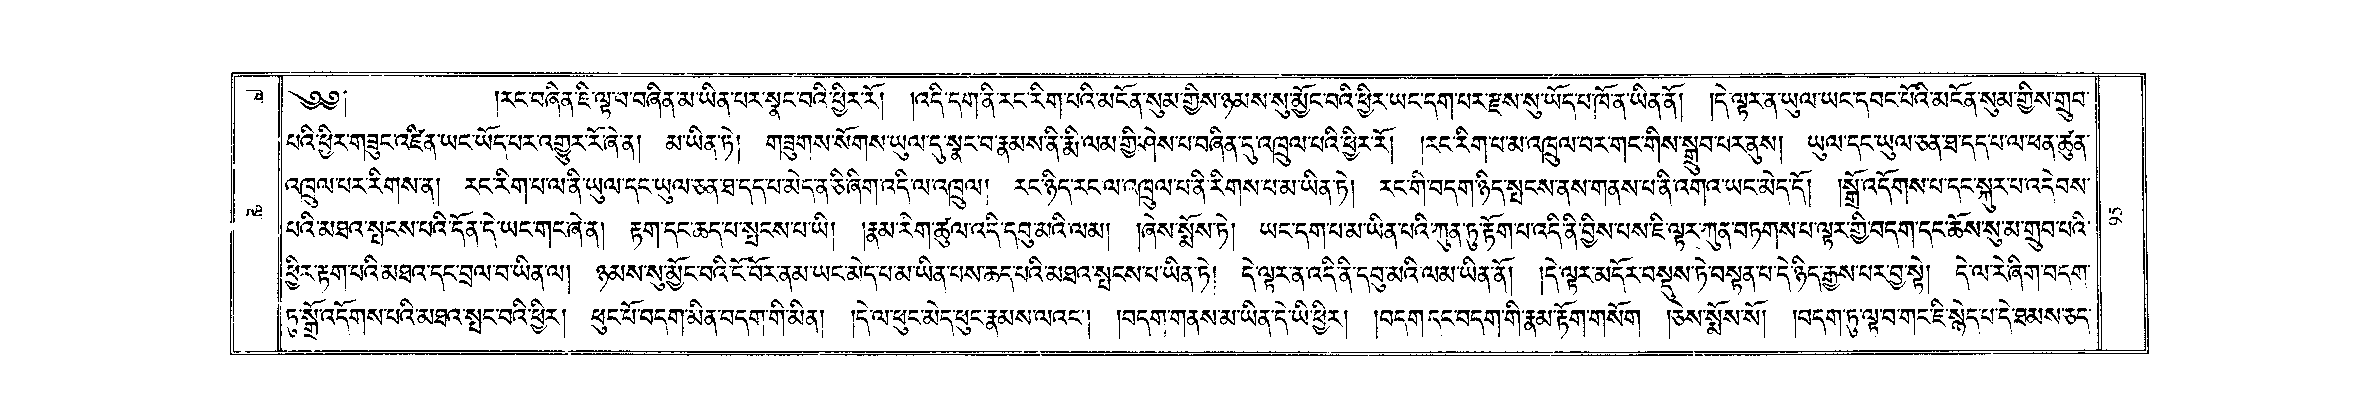༄༅། །རང་བཞིན་ཇི་ལྟ་བ་བཞིན་མ་ཡིན་པར་སྣང་བའི་ཕྱིར་རོ། །འདི་དག་ནི་རང་རིག་པའི་མངོན་སུམ་གྱིས་ཉམས་སུ་མྱོང་པའི་ཕྱིར་ཡང་དག་པར་རྫས་སུ་ཡོད་པ་ཁོ་ན་ཡིན་ནོ། །དེ་ལྟར་ན་ཡུལ་ཡང་དབང་པོའི་མངོན་སུམ་གྱིས་གྲུབ་
པའི་ཕྱིར་གཟུང་འཛིན་ཡང་ཡོད་པར་འགྱུར་རོ་ཞེ་ན། མ་ཡིན་ཏེ། གཟུགས་སོགས་ཡུལ་དུ་སྣང་བ་རྣམས་ནི་རྨི་ལམ་གྱི་ཤེས་པ་བཞིན་དུ་འཁྲུལ་པའི་ཕྱིར་རོ། །རང་རིག་པ་མ་འཁྲུལ་བར་གང་གིས་སྒྲུབ་པར་ནུས། ཡུལ་དང་ཡུལ་ཅན་ཐ་དད་པ་ལ་ཕན་ཚུན་
འཁྲུལ་པར་རིགས་ན། རང་རིག་པ་ལ་ནི་ཡུལ་དང་ཡུལ་ཅན་ཐ་དད་པ་མེད་ན་ཅི་ཞིག་འདི་ལ་འཁྲུལ། རང་ཉིད་རང་ལ་འཁྲུལ་པ་ནི་རིགས་པ་མ་ཡིན་ཏེ། རང་གི་བདག་ཉིད་སྤངས་ནས་གནས་པ་ནི་འགའ་ཡང་མེད་དོ། །སྒྲོ་འདོགས་པ་དང་སྐུར་པ་འདེབས་
པའི་མཐའ་སྤངས་པའི་དོན་དེ་ཡང་གང་ཞེ་ན། རྟག་དང་ཆད་པ་སྤངས་པ་ཡི། །རྣམ་རིག་ཚུལ་འདི་དབུ་མའི་ལམ། །ཞེས་སྨོས་ཏེ། ཡང་དག་པ་མ་ཡིན་པའི་ཀུན་ཏུ་རྟོག་པ་འདི་ནི་བྱིས་པས་ཇི་ལྟར་ཀུན་བཏགས་པ་ལྟར་གྱི་བདག་དང་ཆོས་སུ་མ་གྲུབ་པའི་
ཕྱིར་རྟག་པའི་མཐའ་དང་བྲལ་བ་ཡིན་ལ། ཉམས་སུ་མྱོང་བའི་ངོ་བོར་ནམ་ཡང་མེད་པ་མ་ཡིན་པས་ཆད་པའི་མཐའ་སྤངས་པ་ཡིན་ཏེ། དེ་ལྟར་ན་འདི་ནི་དབུ་མའི་ལམ་ཡིན་ནོ། །དེ་ལྟར་མདོར་བསྡུས་ཏེ་བསྟན་པ་དེ་ཉིད་རྒྱས་པར་བྱ་སྟེ། དེ་ལ་རེ་ཞིག་བདག་
ཏུ་སྒྲོ་འདོགས་པའི་མཐའ་སྤང་བའི་ཕྱིར། ཕུང་པོ་བདག་མིན་བདག་གི་མིན། །དེ་ལ་ཕུང་མེད་ཕུང་རྣམས་ལའང་། །བདག་གནས་མ་ཡིན་དེ་ཡི་ཕྱིར། །བདག་དང་བདག་གི་རྣམ་རྟོག་གསོག །ཅེས་སྨོས་སོ། །བདག་ཏུ་ལྟ་བ་གང་ཇི་སྙེད་པ་དེ་ཐམས་ཅད་